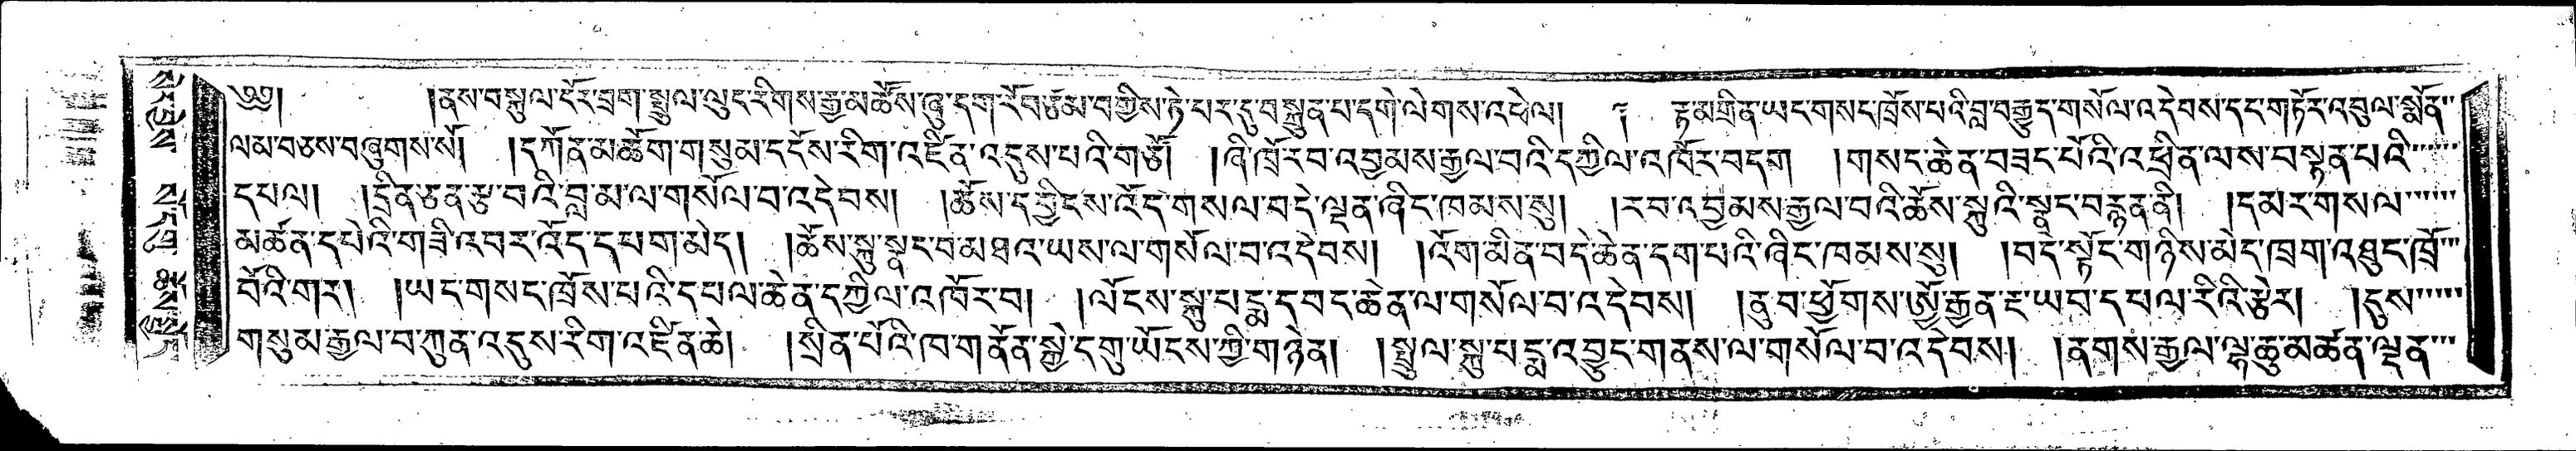༄༅། །ནས་བསྐུལ་ངོར་བྲག་སྤྲུལ་ལུང་རིགས་རྒྱ་མཚོས་ཞུ་དག་རོབ་ཙམ་བགྱིས་ཏེ་པར་དུ་བསྐྲུན་པ་དགེ་ལེགས་འཕེལ། ༈ རྟ་མགྲིན་ཡང་གསང་ཁྲོས་པའི་བླ་བརྒྱུད་གསོལ་འདེབས་དང་གཏོར་འབུལ་སྨོན་
ལམ་བཅས་བཞུགས་སོ། །དཀོན་མཆོག་གསུམ་དངོས་རིག་འཛིན་འདུས་པའི་གཙོ། །ཞི་ཁྲོ་རབ་འབྱམས་རྒྱལ་བའི་དཀྱིལ་འཁོར་བདག །གསང་ཆེན་བཟང་པོའི་འཕྲིན་ལས་བསྟན་པའི་
དཔལ། །དྲིན་ཅན་རྩ་བའི་བླ་མ་ལ་གསོལ་བ་འདེབས། །ཆོས་དབྱིངས་འོད་གསལ་བདེ་ལྡན་ཞིང་ཁམས་སུ། །རབ་འབྱམས་རྒྱལ་བའི་ཆོས་སྐུའི་སྣང་བརྙན་ནི། །དམར་གསལ་
མཚན་དཔེའི་གཟི་འབར་འོད་དཔག་མེད། །ཆོས་སྐུ་སྣང་བ་མཐའ་ཡས་ལ་གསོལ་བ་འདེབས། །འོག་མིན་བདེ་ཆེན་དག་པའི་ཞིང་ཁམས་སུ། །བདེ་སྟོང་གཉིས་མེད་ཁྲག་འཐུང་ཁྲོ་
བོའི་གར། །ཡང་གསང་ཁྲོས་པའི་དཔལ་ཆེན་དཀྱིལ་འཁོར་བ། །ལོངས་སྐུ་པདམ་དབང་ཆེན་ལ་གསོལ་བ་འདེབས། །ནུབ་ཕྱོགས་ཨཡོ་རྒྱན་རྔ་ཡབ་དཔལ་རིའི་རྩེར། །དུས་
གསུམ་རྒྱལ་བ་ཀུན་འདུས་རིག་འཛིན་ཆེ། །སྲིན་པོའི་ཁ་གནོན་སྐྱེ་དགུ་ཡོངས་ཀྱི་གཉེན། །སྤྲུལ་སྐུ་པདམ་འབྱུང་གནས་ལ་གསོལ་བ་འདེབས། །ནགས་རྒྱལ་ལྷ་ཆུ་མཚན་ལྡན་